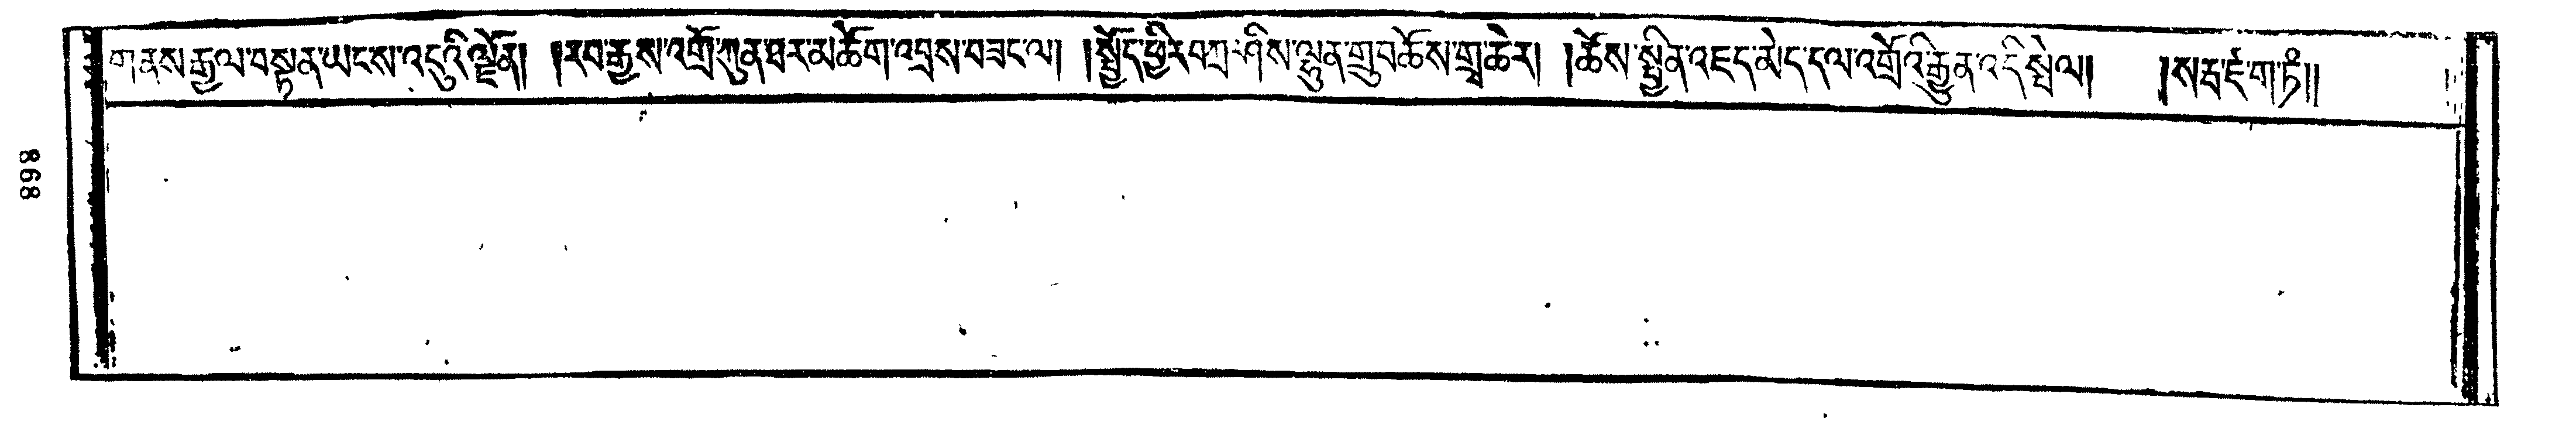གནས་རྒྱལ་བསྟན་ཡངས་འདུའི་ལྗོན། །རབ་རྒྱས་འགྲོ་ཀུན་ཐར་མཆོག་འབྲས་བཟང་ལ། །སྤྱོད་ཕྱིར་བཀྲ་ཤིས་ལྷུན་གྲུབ་ཆོས་གྲྭ་ཆེར། །ཆོས་སྤྱིན་འཇད་མེད་དལ་འགྲོའི་རྒྱུན་འདི་སྤེལ། །སརྦ་ཛ་ག་ཏཾ།།